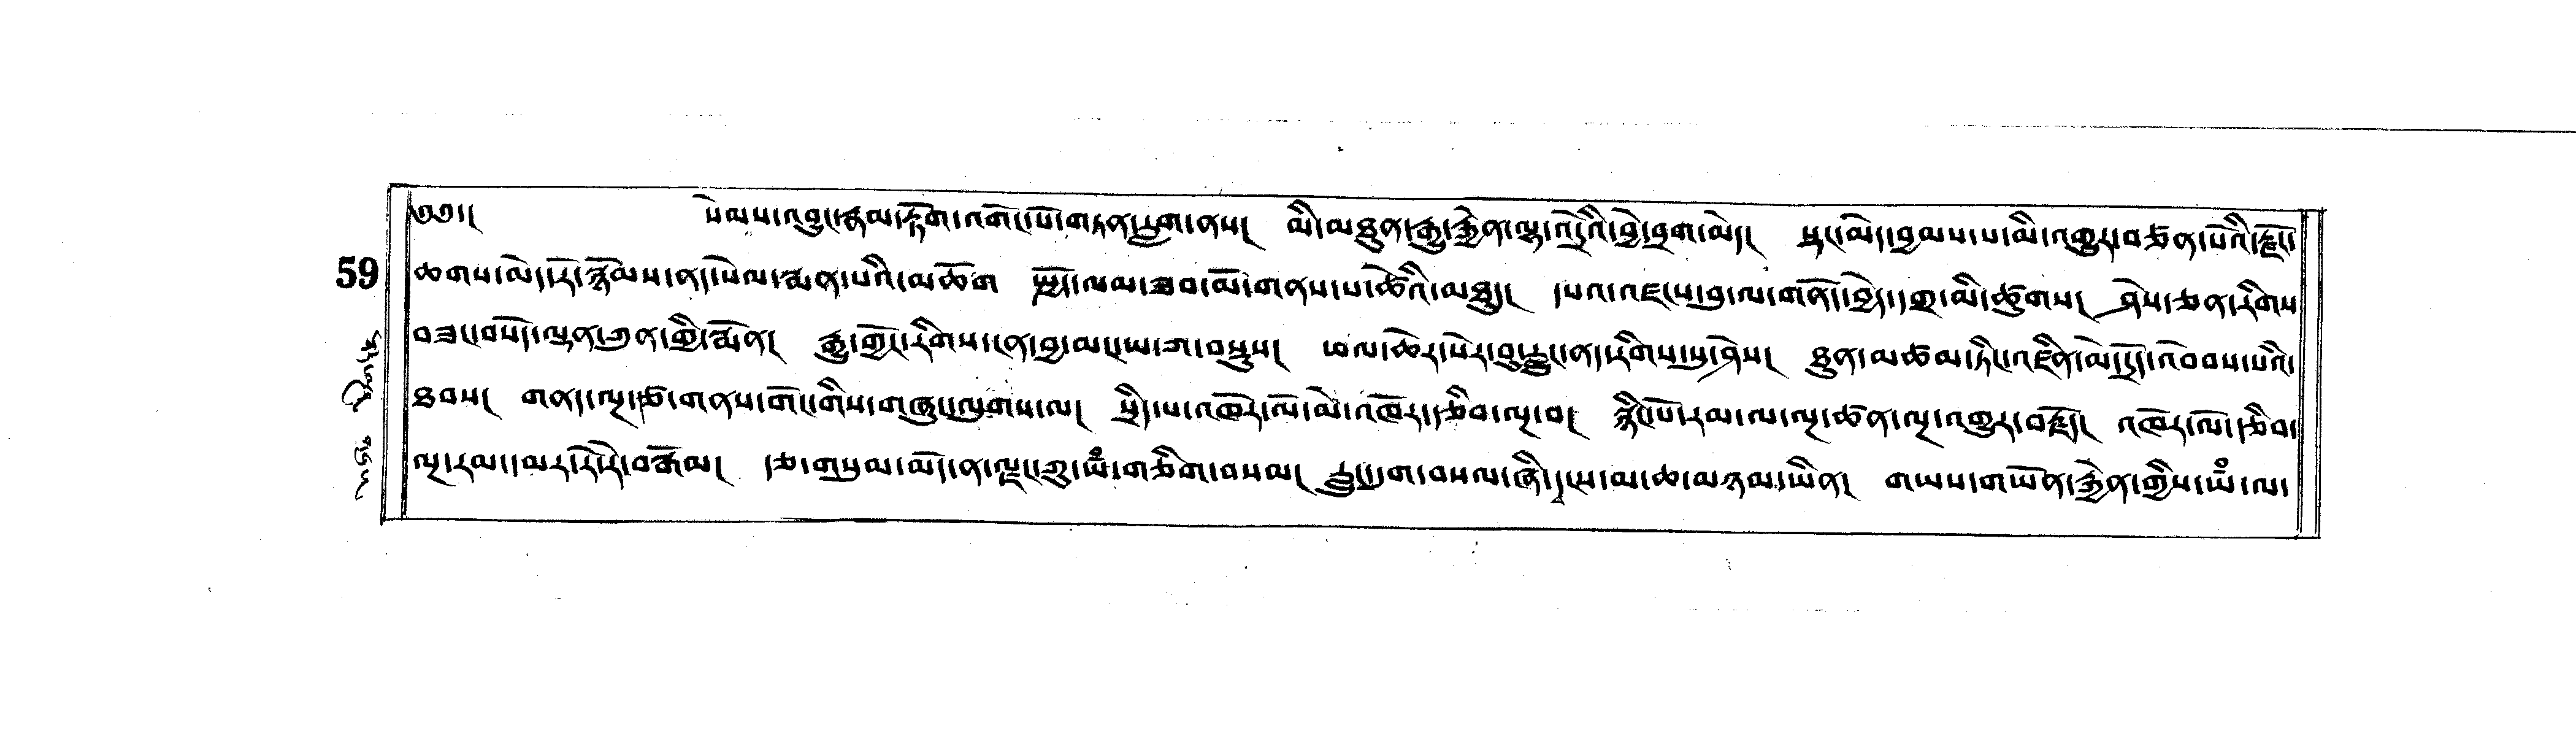སེམས་འབྱུང་རྣམ་རྟོག་འགོང་པོ་གཏན་བརླགས་ནས། མི་མཐུན་རྒྱུ་རྐྱེན་ལྷ་འདྲེའི་བྱེ་བྲག་མེད། སྡང་མེད་བྱམས་པ་མི་འགྱུར་བཙན་པོའི་རྫོང་། 
ཆགས་མེད་རོ་སྙོམས་ནད་སེལ་སྨན་པའི་མཆོག སྤྱོད་ལམ་ཟབ་མོ་གནས་པ་ཚེ་ཡི་མཐུད། དཔའ་འཛངས་བུ་ལ་གནོད་བྱེད་དགྲ་མི་ཚུགས། ཤེས་ཅན་རིགས་
བཟང་བསོད་ཅན་ཀུན་གྱིས་སྨོན། རྒྱུད་གྱོང་རིགས་ངན་བྱ་མང་ཡ་ཀ་བསྡུས། ཕལ་ཆེར་སེར་བུ་རླུང་ནད་རིགས་སུ་ཤེས། ཐུན་མཚམས་ཏིང་འཛིན་མེ་དྲོད་འབེབས་པའི་
ཐབས། གནད་ལྔ་རྩ་གནས་གོང་གི་གཞུང་ལུགས་ལ། སྲིད་པ་འཁོར་ལོ་མེ་འཁོར་རྩིབས་ལྔ་བ། སྙིང་པོ་རཾ་ལ་ལྔ་ཚན་ལྔ་འགྱུར་བརྗོད། འཁོར་ལོ་རྩིབས་
ལྔ་རཾ་དམར་རེ་རེ་བསྒོམ། རྩ་གསུམ་མདོ་ན་ལྗང་ཁུ་ཡཾ་གཅིག་བསམ། རླུང་དུག་བསལ་ཞིང་དངས་ཆ་མཉམ་ཡིན། གཡས་གཡོན་རྐྱེན་གྱིས་ཡཾ་ལ་